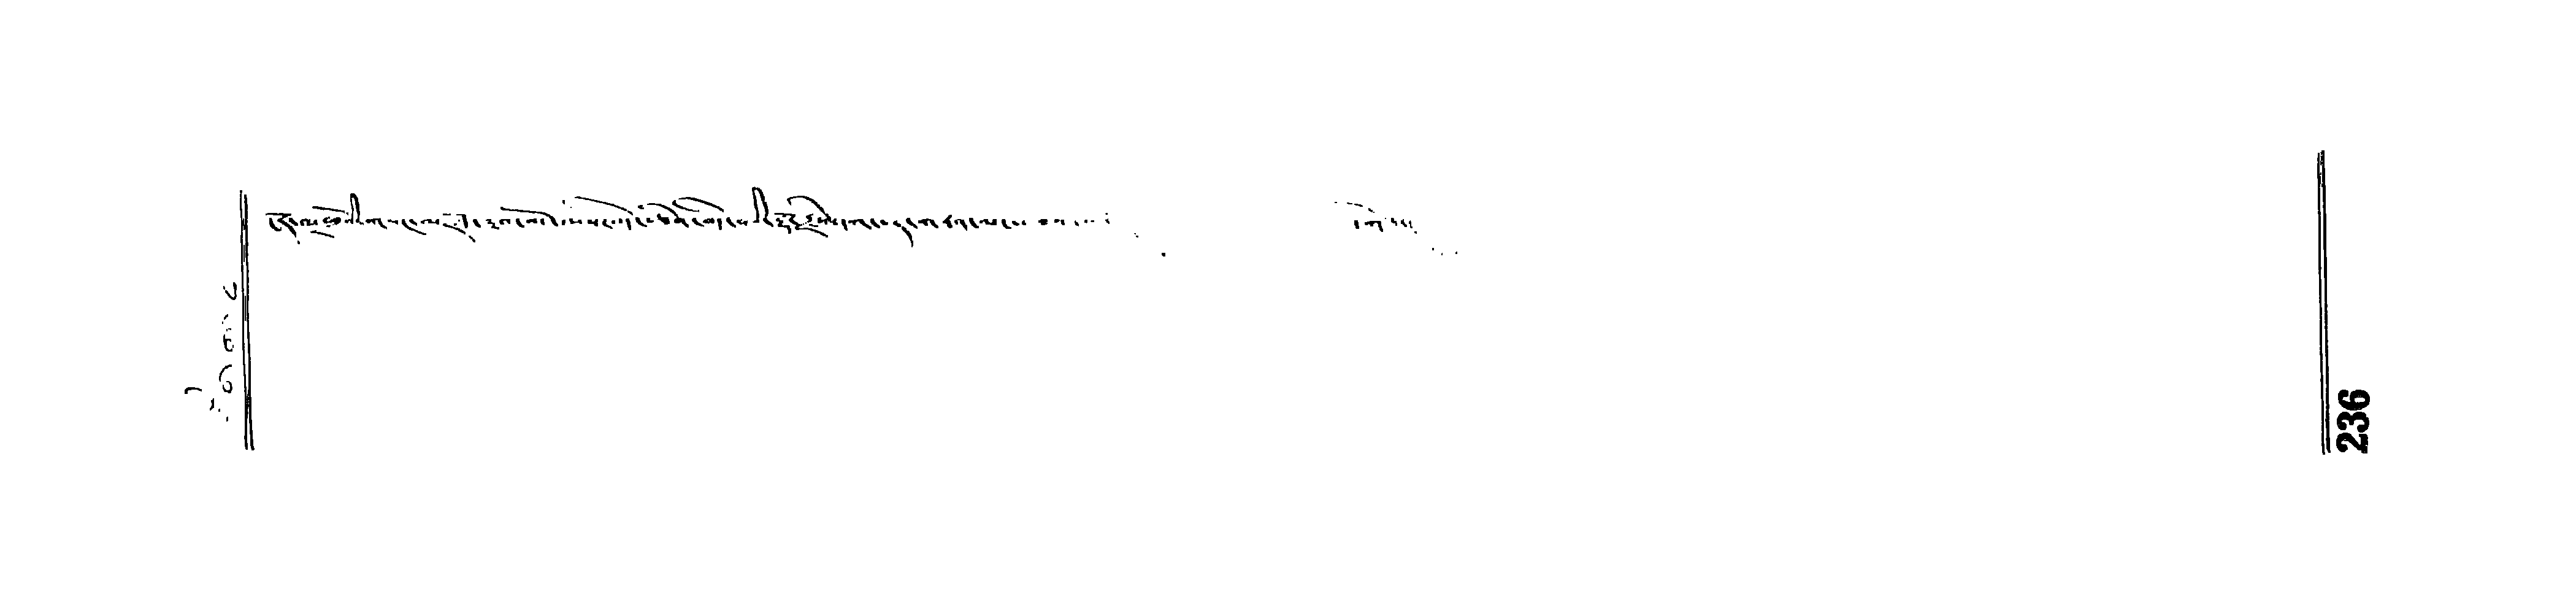ངོར་མཁའ་འགྲོའི་གསང་མཛོད་ཟབ་མོ་ལས་བདེ་ཆེན་བདེ་བའི་རྡོ་རྗེས་དག་པར་གཏན་ལ་ཕབ་པ་དགེའོ།།